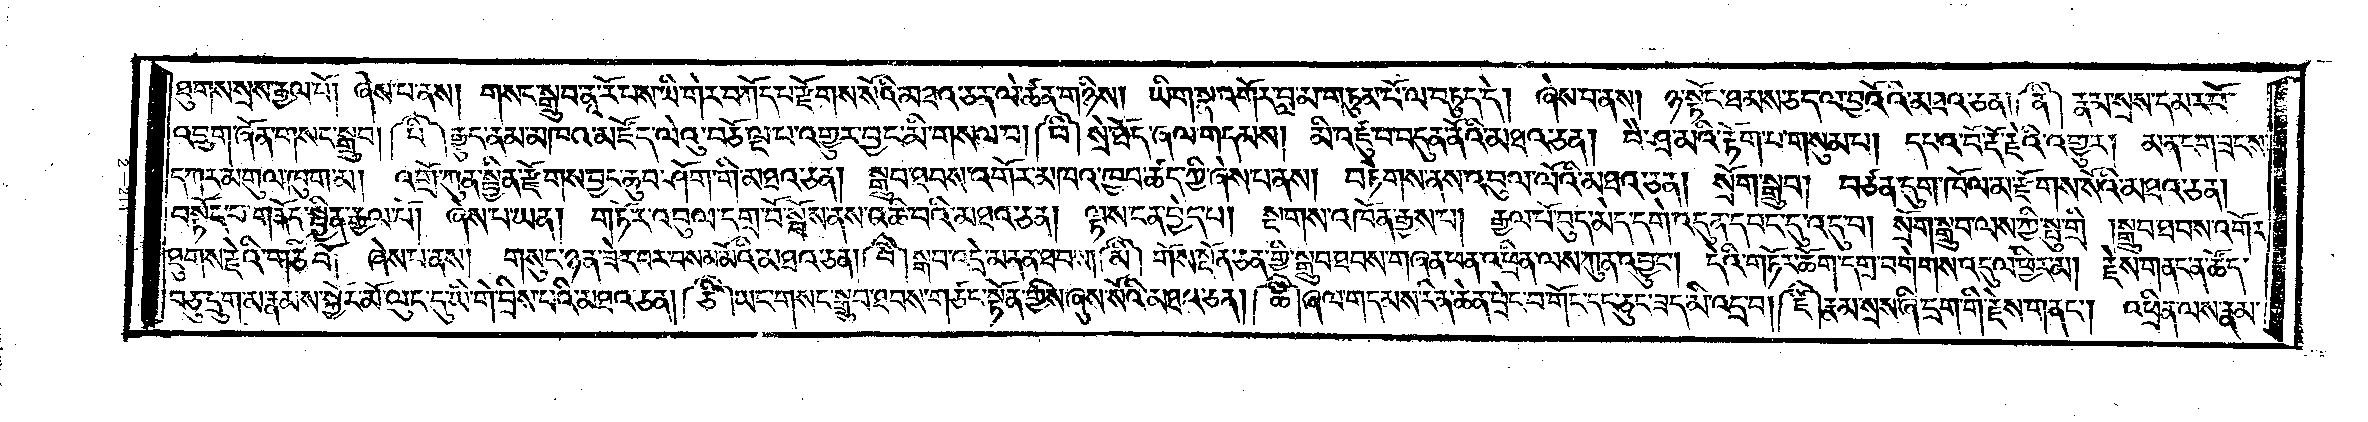ཐུགས་སྲས་རྒྱལ་པོ། ཞེས་པ་ནས། གསང་སྒྲུབ་ནཱ་རོ་པས་ཡི་གེར་བཀོད་པ་རྫོགས་སོའི་མཐའ་ཅན་ལེ་ཚན་གཉིས། ཡིག་སྣ་འགོར་བླ་མ་གཏུམ་པོ་ལ་བཏུད་དེ། ཞེས་པ་ནས། ཉ་སྟོང་ཐམས་ཅད་ལ་བྱའོའི་མཐའ་ཅན། ༼ནི༽ རྣམ་སྲས་དམར་པོ་
འདྲུག་གཞོན་གསང་སྒྲུབ། ༼པི༽ རྒྱུད་ནམ་མཁའ་མཛོད་ལེའུ་བཅོ་ལྔ་པ་འགྱུར་བྱང་མི་གསལ་བ། ༼བི༽ སྲེ་ཐོད་ཞལ་གདམས། མི་འཛུབ་བདུན་ནོའི་མཐའ་ཅན། བཻ་ཤྲ་མའི་རྟོག་པ་གསུམ་པ། དཔའ་བོ་རྡོ་རྗེའི་འགྱུར། མན་ངག་ཟངས་
དཀར་མགུལ་ཁུག་མ། འགྲོ་ཀུན་སྦྱིན་རྫོགས་བྱང་ཆུབ་ཤོག་གི་མཐའ་ཅན། སྒྲུབ་ཐབས་འགོར་མཁའ་ཁྱབ་ཚད་ཀྱི་ཞེས་པ་ནས། བཏགས་ནས་འབུལ་ལོའི་མཐའ་ཅན། སྲོག་སྒྲུབ། བཙན་དུག་ཁོལ་མ་རྫོགས་སོའི་མཐའ་ཅན།
བསྟོད་པ་གནོད་སྦྱིན་རྒྱལ་པོ། ཞེས་པ་ཡན། གཏོར་འབུལ་དགྲ་བོ་སྦོས་ནས་འཆི་བའི་མཐའ་ཅན། ལྟས་ངན་བྱེད་པ། སྔགས་འཁོན་རྒྱས་པ། རྒྱལ་པོ་བུད་མེད་དགེ་འདུན་དབང་དུ་འདུ་བ། སྲོག་སྒྲུབ་ལས་ཀྱི་སྦུ་གྲི་།སྒྲུབ་ཐབས་འགོར་
ཐུགས་རྗེའི་གཙོ་བོ། ཞེས་པ་ནས། གསུང་ཉན་ཟེར་བར་བསམ་མོའི་མཐའ་ཅན། ༼བི༽ སྒབ་འདྲེ་མནན་ཐབས། ༼མི༽ གོས་སྔོན་ཅན་གྱི་སྒྲུབ་ཐབས་གཞན་ཕན་འཕྲིན་ལས་ཀུན་འབྱུང་། དེའི་གཏོར་ཆོག་དགྲ་བགེགས་འདུལ་ཕྱིར་མ། རྗེས་གནང་ན་ཚོད་
བཅུ་དྲུག་མ་རྣམས་སྐྱོར་མོ་ལུང་དུ་ཡི་གེ་བྲིས་པའི་མཐའ་ཅན། ༼ཙི༽། ཡང་གསང་སྒྲུབ་ཐབས་གཙང་སྟོན་གྱིས་ཞུས་སོའི་མཐའ་ཅན། ༼ཙི༽ ཞལ་གདམས་རིན་ཆེན་ཕྲེང་བ་གོང་དང་ཅུང་ཟད་མི་འདྲ་བ། ༼ཛི༽ རྣམ་སྲས་ཞི་དྲག་གི་རྗེས་གནང་། འཕྲིན་ལས་རྣམ་